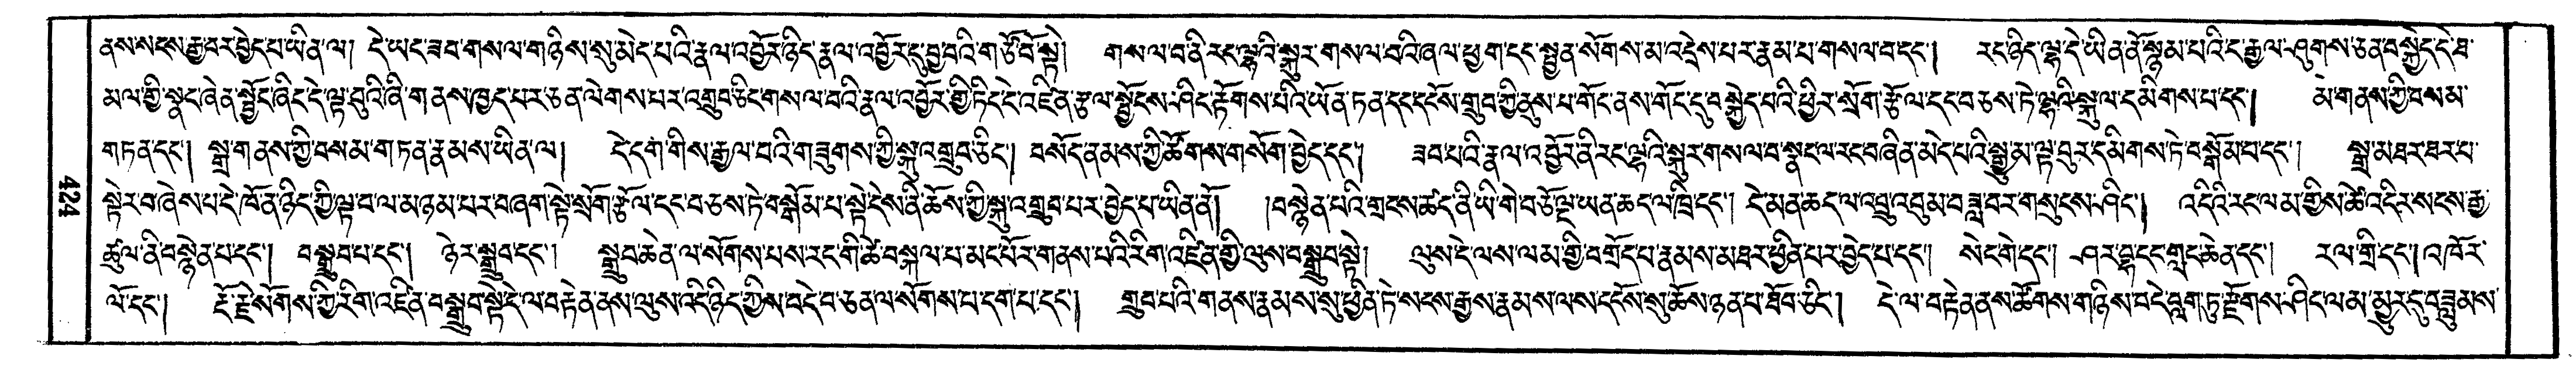ནས་སངས་རྒྱ་བར་བྱེད་པ་ཡིན་ལ། དེ་ཡང་ཟབ་གསལ་གཉིས་སུ་མེད་པའི་རྣལ་འབྱོར་ཉིད་རྣལ་འབྱོར་དུ་བྱ་བའི་གཙོ་བོ་སྟེ། གསལ་བ་ནི་རང་ལྷའི་སྐུར་གསལ་བའི་ཞལ་ཕྱག་དང་སྤྱན་སོགས་མ་འདྲེས་པར་རྣམ་པ་གསལ་བ་དང་། རང་ཉིད་ལྷ་དེ་ཡིན་ནོ་སྙམ་པའི་ང་རྒྱལ་ཤུགས་ཅན་བསྐྱེད་དེ་ཐ་
མལ་གྱི་སྣང་ཞེན་སྦྱོང་ཞིང་དེ་ལྟ་བུའི་ཞི་གནས་ཁྱད་པར་ཅན་ལེགས་པར་འགྲུབ་ཅིང་གསལ་བའི་རྣལ་འབྱོར་གྱི་ཏིང་ངེ་འཛིན་རྩལ་སྦྱོངས་ཤིང་རྟོགས་བའི་ཡོན་ཏན་དང་དངོས་གྲུབ་ཀྱི་ནུས་པ་གོང་ནས་གོང་དུ་བསྐྱེད་པའི་ཕྱིར་སྲོག་རྩོལ་དང་བཅས་ཏེ་ལྷའི་སྐུལ་དམིགས་བ་དང་། མེ་གནས་ཀྱི་བསམ་
གཏན་དང་། སྒྲ་གནས་ཀྱི་བསམ་གཏན་རྣམས་ཡིན་ལ། དེ་དག་གིས་རྒྱལ་བའི་གཟུགས་ཀྱི་སྐུ་འགྲུབ་ཅིང་། བསོད་ནམས་ཀྱི་ཚོགས་གསོག་བྱེད་དང་། ཟབ་བའི་རྣལ་འབྱོར་ནི་རང་ལྷའི་སྐུར་གསལ་བ་སྣང་ལ་རང་བཞིན་མེད་བའི་སྒྱུ་མ་ལྟ་བུར་དམིགས་ཏེ་བསྒོམས་པ་དང་། སྒྲ་མཐར་ཐར་བ་
སྟེར་བ་ཞེས་བ་དེ་ཁོ་ན་ཉིད་ཀྱི་ལྟ་བ་ལ་མཉམ་པར་བཞག་སྟེ་སྲོག་རྩོལ་དང་བཅས་ཏེ་བསྒོམ་པ་སྟེ་དེས་ནི་ཆོས་ཀྱི་སྐུ་འགྲུབ་པར་བྱེད་པ་ཡིན་ནོ། །བསྙེན་པའི་གྲངས་ཚད་ནི་ཡི་གེ་བཅོ་ལྔ་ཡན་ཆད་ལ་ཁྲི་དང་། དེ་མན་ཆད་ལ་འབྲུ་འབུམ་བཟླ་བར་གསུངས་ཤིང་། འདིའི་རང་ལམ་གྱིས་ཚེ་འདིར་སངས་རྒྱ་
ཚུལ་ནི་བསྙེན་བ་དང་། བསྒྲུབ་པ་དང་། ཉེར་སྒྲུབ་དང་། སྒྲུབ་ཆེན་ལ་སོགས་པས་རང་གི་ཚེ་བསྐལ་པ་མང་པོར་གནས་པའི་རིག་འཛིན་གྱི་ལུས་བསྒྲུབ་སྟེ། ལུས་དེ་ལ་ས་ལམ་གྱི་བགྲོད་བ་རྣམས་མཐར་ཕྱིན་པར་བྱེད་པ་དང་། སེང་གེ་དང་། ཤར་བྷ་དང་གླང་ཆེན་དང་། རལ་གྲི་དང་། འཁོར་
ལོ་དང་། རྡོ་རྗེ་སོགས་ཀྱི་རིག་འཛིན་བསྒྲུབ་སྟེ་དེ་ལ་བརྟེན་ནས་ལུས་འདི་ཉིད་ཀྱིས་བདེ་བ་ཅན་ལ་སོགས་བདག་པ་དང་། གྲུབ་པའི་གནས་རྣམས་སུ་ཕྱིན་ཏེ་སངས་རྒྱས་རྣམས་ལས་དངོས་སུ་ཆོས་ཉན་བ་ཐོབ་ཅིང་། དེ་ལ་བརྟེན་ནས་ཚོགས་གཉིས་བདེ་བླག་ཏུ་རྫོགས་ཤིང་ལམ་མྱུར་དུ་བཟླུམས་